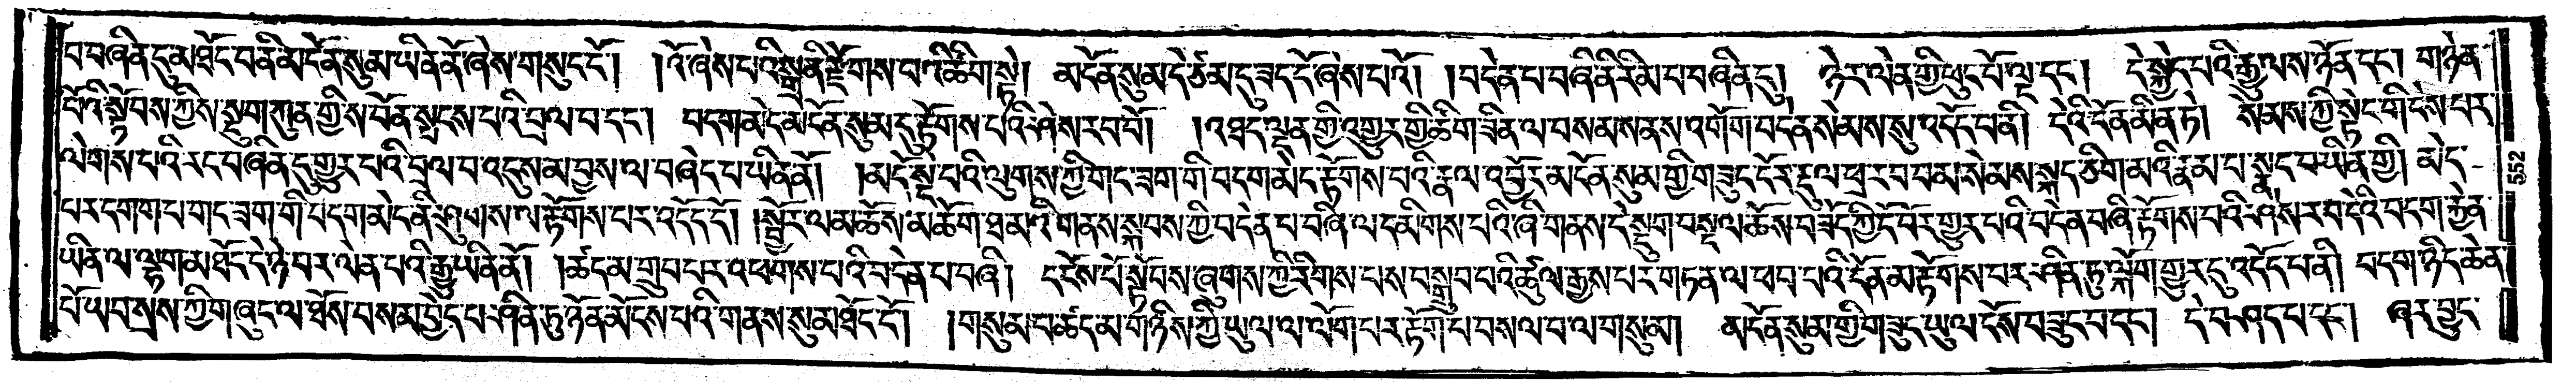བ་བཞིན་དུ་མཐོང་བ་ནི་མངོན་སུམ་ཡིན་ནོ་ཞེས་གསུང་ངོ། །འོ་ཞེས་པའི་སྒྲ་ནི་རྫོགས་པའི་ཚིག་སྟེ། མངོན་སུམ་དེ་ཙམ་དུ་ཟད་དོ་ཞེས་པའོ། །བདེན་པ་བཞི་ནི་རིམ་པ་བཞིན་དུ། ཉེར་ལེན་གྱི་ཕུང་པོ་ལྔ་དང་། དེ་སྐྱེད་པའི་རྒྱུ་ལས་ཉོན་དང་། གཉེན་
པོའི་སྟོབས་ཀྱིས་སྡུག་ཀུན་གྱི་ས་བོན་སྤངས་པའི་བྲལ་བ་དང་། བདག་མེད་མངོན་སུམ་དུ་རྟོགས་པའི་ཤེས་རབ་བོ། །འཐད་ལྡན་གྱི་འགྱུར་གྱི་ཚིག་ཟིན་ལ་བསམས་ནས་འགོག་བདེན་སེམས་སུ་འདོད་པ་ནི། དེའི་དོན་མིན་ཏེ། སེམས་ཀྱི་སྟེང་གི་ངེས་པར་
ལེགས་པའི་རང་བཞིན་དུ་གྱུར་པའི་བྲལ་བ་འདུས་མ་བྱས་ལ་བཞེད་པ་ཡིན་ནོ། །མདོ་སྡེ་པའི་ལུགས་ཀྱི་གང་ཟག་གི་བདག་མེད་རྟོགས་པའི་རྣལ་འབྱོར་མངོན་སུམ་གྱི་གཟུང་དོར་རྡུལ་ཕྲ་རབ་བམ་སེམས་སྐད་ཅིག་མའི་རྣམ་པ་སྣང་བ་ཡིན་གྱི། མེད་
པར་དགག་པ་གང་ཟག་གི་བདག་མེད་ནི་ཤུགས་ལ་རྟོགས་པར་འདོད་དོ། །སྦྱོར་ལ་མ་ཆོས་མཆོག་ཐ་མའི་གནས་སྐབས་ཀྱི་བདེན་པ་བཞི་ལ་དམིགས་པའི་ཞི་གནས་དེ་སྡུག་བསྔལ་ཆོས་བཟོད་ཀྱི་ངོ་བོར་གྱུར་པའི་བདེན་བཞི་རྟོགས་པའི་ཤེས་རབ་དེའི་བདག་རྐྱེན་
ཡིན་ལ་ལྷག་མཐོང་དེ་ཉེ་བར་ལེན་པའི་རྒྱུ་ཡིན་ནོ། །ཚད་མ་གྲུབ་པར་འཕགས་པའི་བདེན་པ་བཞི། དངོས་པོ་སྟོབས་ཞུགས་ཀྱི་རིགས་པས་བསྒྲུབ་པའི་ཚུལ་རྒྱས་པར་གཏན་ལ་ཕབ་པའི་དོན་མ་རྟོགས་པར་ཤིན་ཏུ་ལྐོག་གྱུར་དུ་འདོད་པ་ནི། བདག་ཉིད་ཆེན་
པོ་ཡབ་སྲས་ཀྱི་གཞུང་ལ་ཐོས་བསམ་བྱེད་པ་ཤིན་ཏུ་ཉོན་མོངས་པའི་གནས་སུ་མཐོང་ངོ། །གསུམ་པ་ཚད་མ་གཉིས་ཀྱི་ཡུལ་ལ་ལོག་པར་རྟོག་པ་བསལ་བ་ལ་གསུམ། མངོན་སུམ་གྱི་གཟུང་ཡུལ་ངོས་བཟུང་བ་དང་། དེ་བཤད་པ་དང་། ཞར་བྱུང་